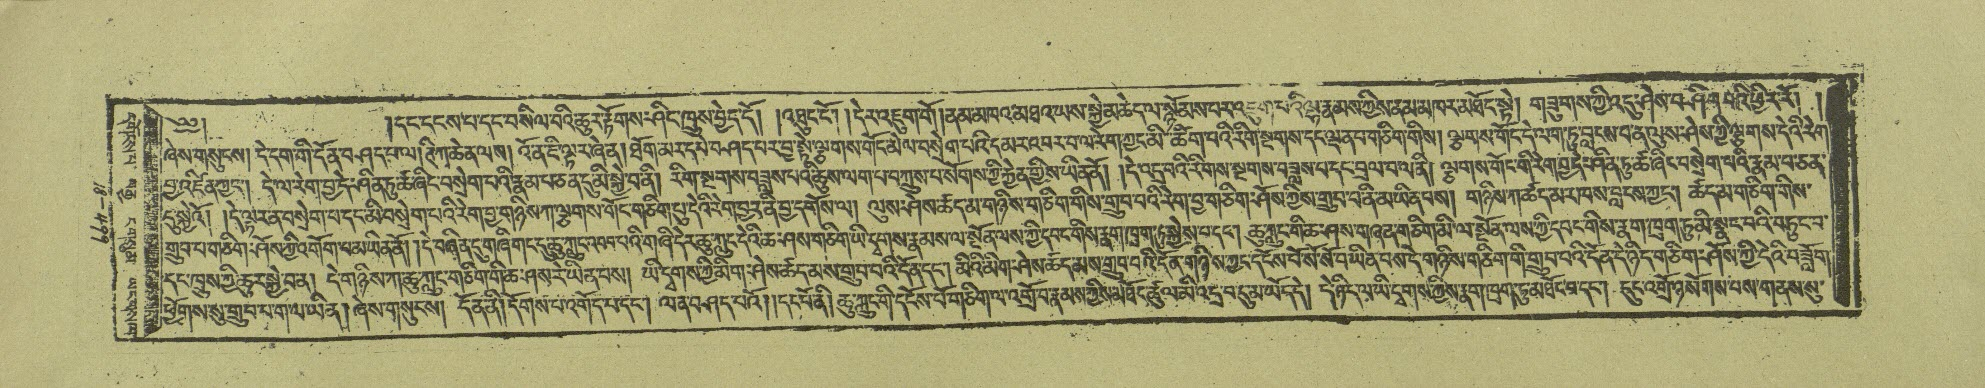༄༅། །དང་དྭངས་པ་དང་བསིལ་བའི་ཆུར་རྟོགས་ཤིང་ཁྲུས་བྱེད་དོ། །འཐུང་ངོ། །དེར་འཇུག་གོ །ནམ་མཁའ་མཐའ་ཡས་སྐྱེ་མཆེད་ལ་སྙོམས་པར་འཇུག་པའི་ལྷ་རྣམས་ཀྱིས་ནམ་མཁར་མཐོང་སྟེ། གཟུགས་ཀྱི་འདུ་ཤེས་བཤིག་པའི་ཕྱིར་རོ། །
ཞེས་གསུངས། དེ་དག་གི་དོན་བཤད་པ་ལ། ཊིཀ་ཆེན་ལས། འོ་ན་ཇི་ལྟར་ཞེ་ན། ཐོག་མར་དཔེ་བཤད་པར་བྱ་སྟེ་ལྕགས་གོང་མེས་བསྲེག་པའི་དམར་འབར་བ་ལ་རེག་ཀྱང་མི་ཚིག་པའི་རིག་སྔགས་དང་ལྡན་པ་གཅིག་གིས། ལྕགས་གོང་དེ་ལག་ཏུ་བླངས་པ་ན་ལུས་ཤེས་ཀྱི་ལྕགས་དེའི་རེག་
བྱ་འཛིན་ཀྱང་། དེ་ལ་རེག་བྱ་དེ་ཤིན་ཏུ་ཚ་ཞིང་བསྲེག་པའི་རྣམ་པ་ཅན་དུ་མི་སྐྱེ་བ་ནི། རིག་སྔགས་བཟླས་པའི་ཆུས་ལག་པ་བཀྲུས་པ་སོགས་ཀྱི་རྐྱེན་གྱིས་ཡིན་ནོ། །དེ་འདྲ་བའི་རིགས་སྔགས་བཟླས་པ་དང་བྲལ་བ་ལ་ནི། ལྕགས་གོང་གི་རེག་བྱ་དེ་ཤིན་ཏུ་ཚ་ཞིང་བསྲེག་པའི་རྣམ་པ་ཅན་
དུ་སྐྱེའོ། །དེ་ལྟར་ན་བསྲེག་པ་དང་མི་བསྲེག་པའི་རེག་བྱ་གཉིས་ཀ་ལྕགས་གོང་གཅིག་པུ་དེའི་རེག་བྱར་ནི་བྱ་དགོས་ལ། ལུས་ཤེས་ཚད་མ་གཉིས་གཅིག་གིས་གྲུབ་པའི་རེག་བྱ་གཅིག་ཤོས་ཀྱིས་གྲུབ་པ་ནི་མ་ཡིན་པས། གཉིས་ཀ་ཚད་མར་ཁས་བླངས་ཀྱང་། ཚད་མ་གཅིག་གིས་
གྲུབ་པ་གཅིག་ཤོས་ཀྱི་འགོག་པ་མ་ཡིན་ནོ། །དེ་བཞིན་དུ་གཞི་གང་དུ་ཆུ་ཀླུང་འབབ་པའི་གཞི་དེར་ཆུ་ཀླུང་དེའི་ཆ་ཤས་གཅིག་ཡི་དྭགས་རྣམས་ལ་སྔོན་ལས་ཀྱི་དབང་གིས་རྣག་ཁྲག་ཏུ་སྐྱེས་པ་དང་། ཆུ་ཀླུང་གི་ཆ་ཤས་གཞན་གཅིག་མི་ལ་སྔོན་ལས་ཀྱི་དབང་གིས་རྣག་ཁྲག་ཏུ་མི་སྣང་བའི་བཏུང་བ་
དང་ཁྲུས་ཀྱི་ཆུར་སྐྱེ་བ་ན། དེ་གཉིས་ཀ་ཆུ་ཀླུང་གཅིག་གི་ཆ་ཤས་རེ་ཡིན་པས། ཡི་དྭགས་ཀྱི་མིག་ཤེས་ཚད་མས་གྲུབ་པའི་དོན་དང་། མིའི་མིག་ཤེས་ཚད་མས་གྲུབ་པའི་དོན་གཉིས་ཀྱང་དངོས་པོ་སོ་སོ་བ་ཡིན་པས་དེ་གཉིས་གཅིག་གི་གྲུབ་པའི་དོན་དེ་ཉིད་གཅིག་ཤོས་ཀྱི་དེའི་བཟློག་
ཕྱོགས་སུ་གྲུབ་པ་ག་ལ་ཡིན། ཞེས་གསུངས། དོན་ནི། དོགས་པ་འགོད་པ་དང་། ལན་བཤད་པའོ། །དང་པོ་ནི། ཆུ་ཀླུང་གི་དངོས་པོ་གཅིག་ལ་འགྲོ་བ་རྣམས་ཀྱིས་མཐོང་ཚུལ་མི་འདྲ་བ་དུ་མ་ཡོད་དེ། དེ་ཉིད་ལ་ཡི་དྭགས་ཀྱིས་རྣག་ཁྲག་ཏུ་མཐོང་བ་དང་། དུང་འགྲོ་ཉ་སོགས་པས་གནས་སུ་